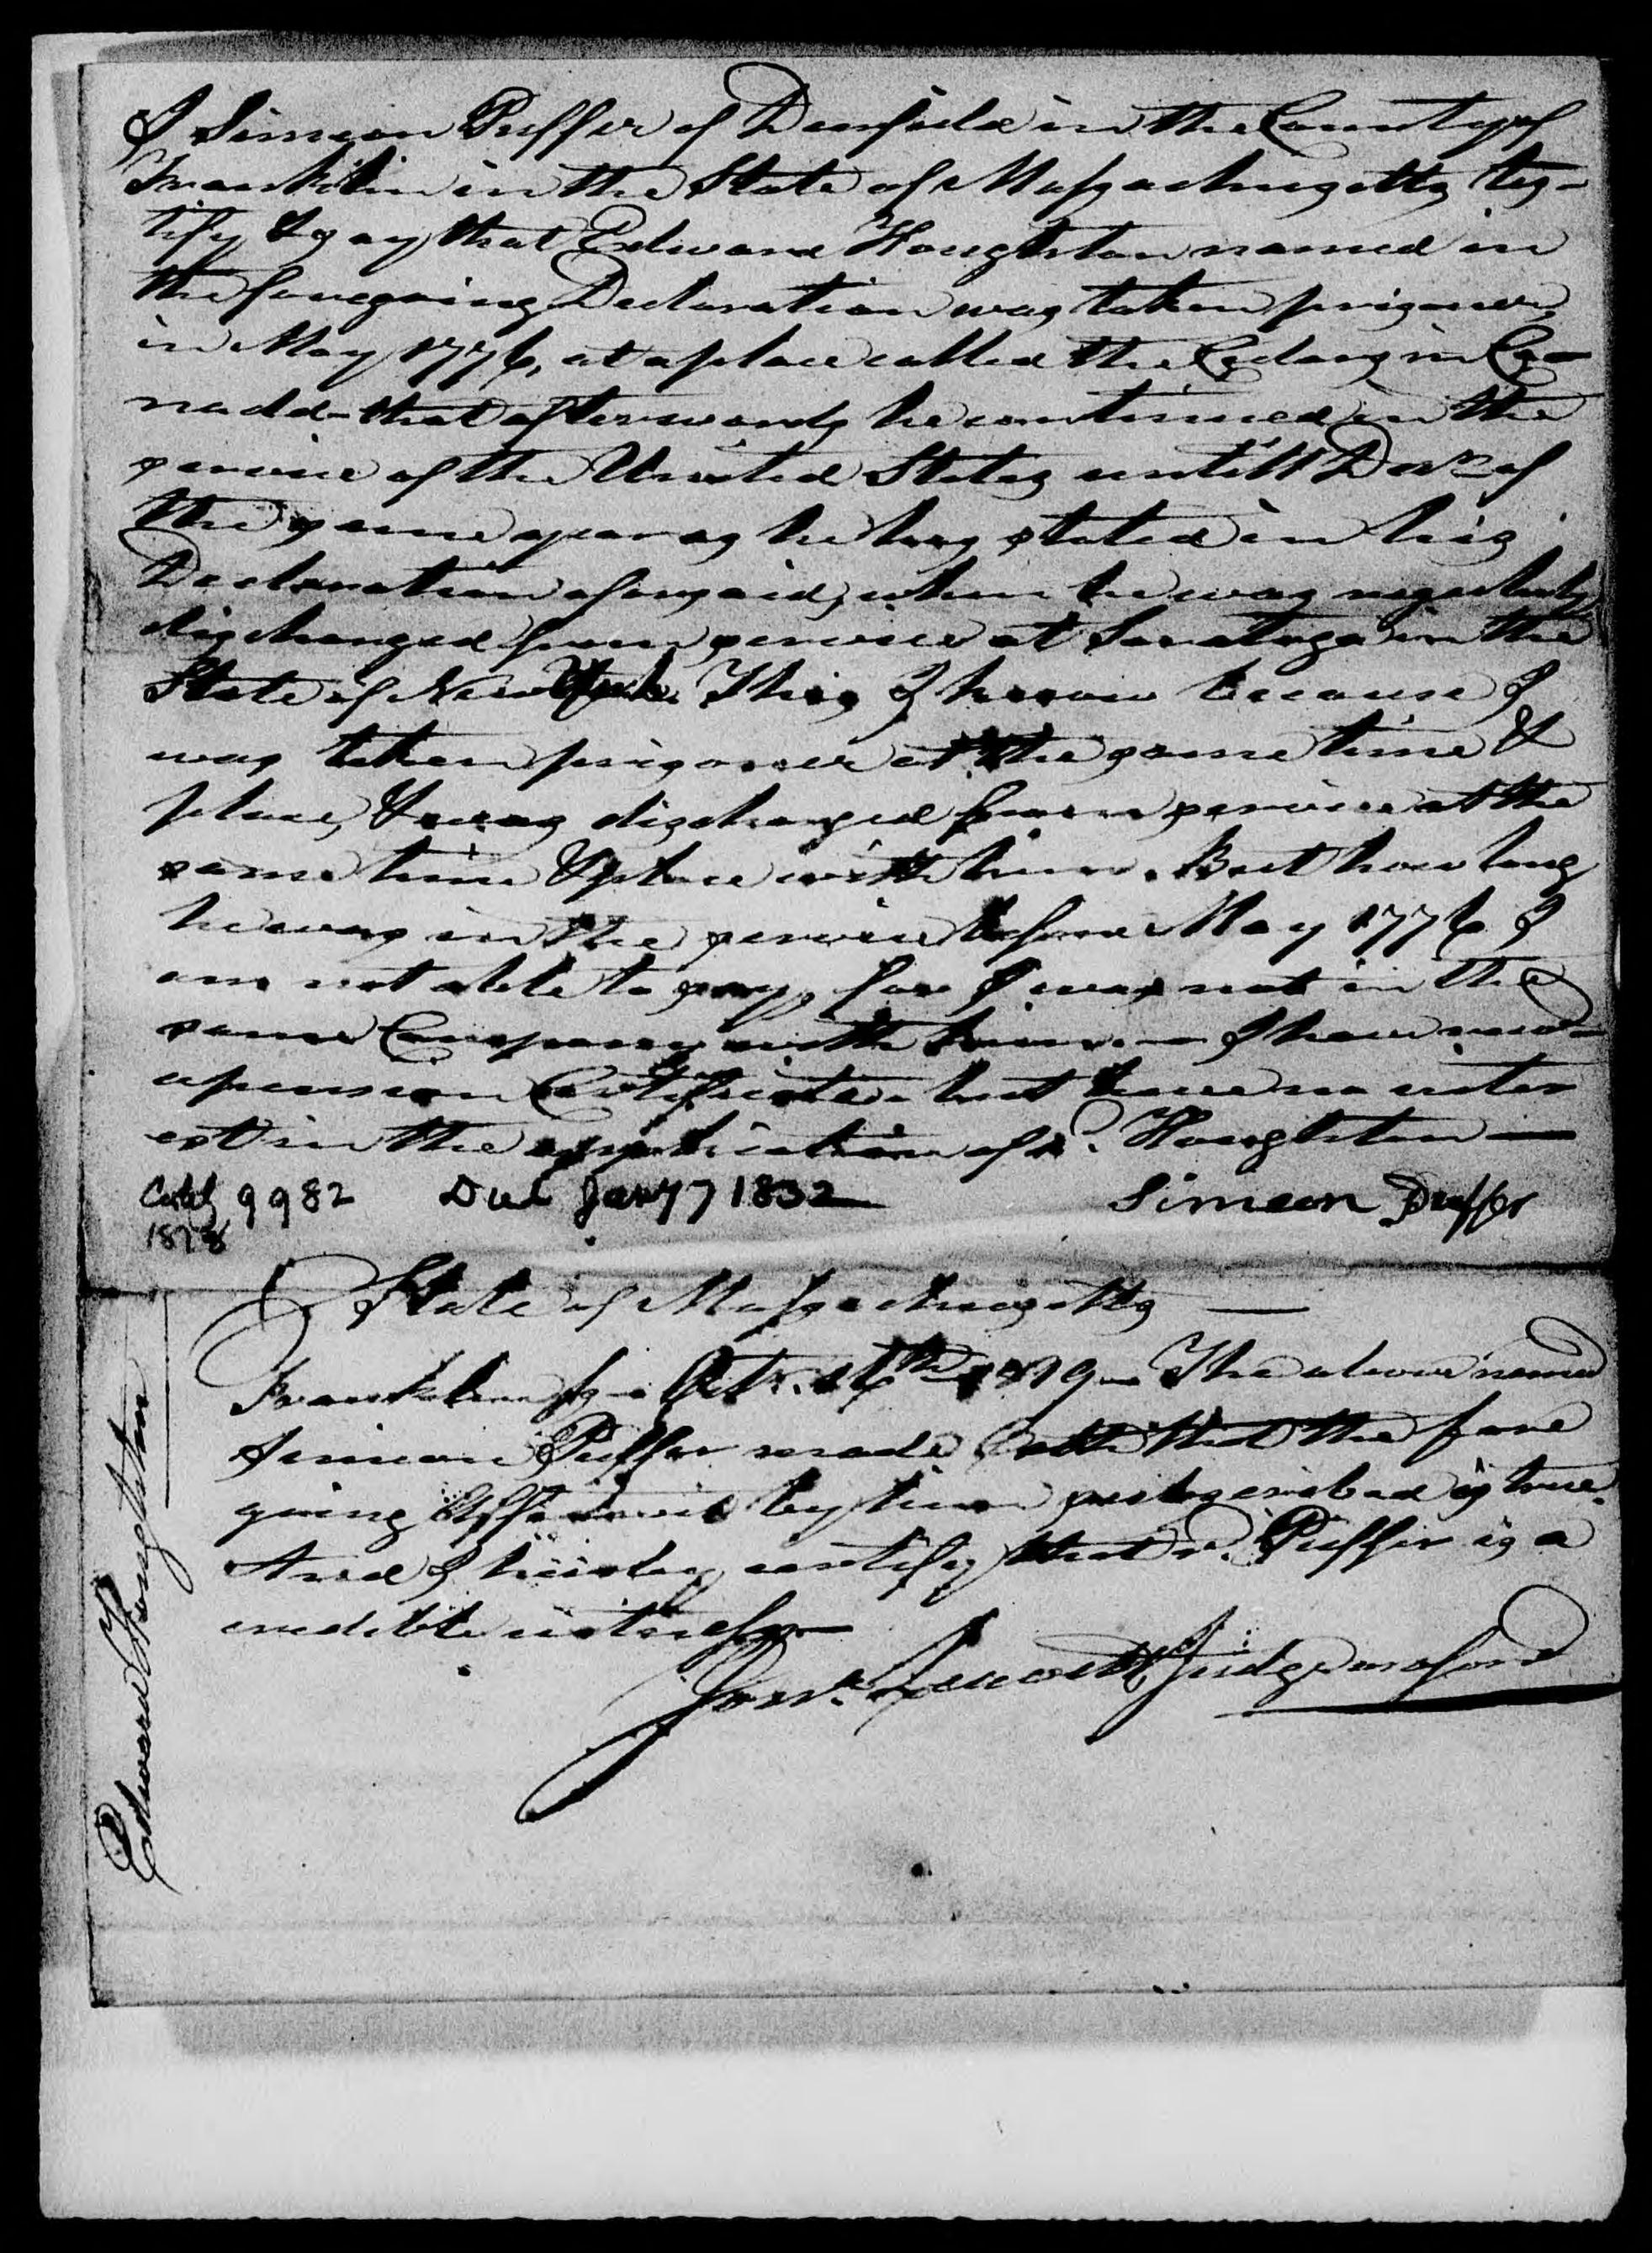I, Simeon Puffer, of Danfield in the County of Franklin in the State of Massachusetts, testify & say that Edward Houghton named in the [illegible] Declaration was taken prisoner in May 1776, at a place called the Colony in Canada - that afterwards he continued in the service of the United States untill December of the year appearing to be stated in his Declaration aforesaid, when he was [illegible] changed from services a Saratoga in the State of New York. This [illegible] because [illegible] was to them prisoner at the aforesaid time & place, & was discharged from prison at the aforesaid time & place [illegible] But has long [illegible] in the service from May 1776 & [illegible] in the same Company with [illegible] the aforesaid [illegible] Captain [illegible] in the [illegible] 1828 9982 [illegible] January 7 1832
Simeon Puffer

State of Massachusetts -
[illegible]
the delivered aforesaid Simeon Puffer [illegible] foregoing [illegible] by the [illegible]
And I hereby certify that Simeon Puffer is a credible witness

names: Edward Houghton, Simeon Puffer, Jona Leavett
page: 6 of 10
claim: survivor's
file: S. 32,841, Edward Houghton, N.H.